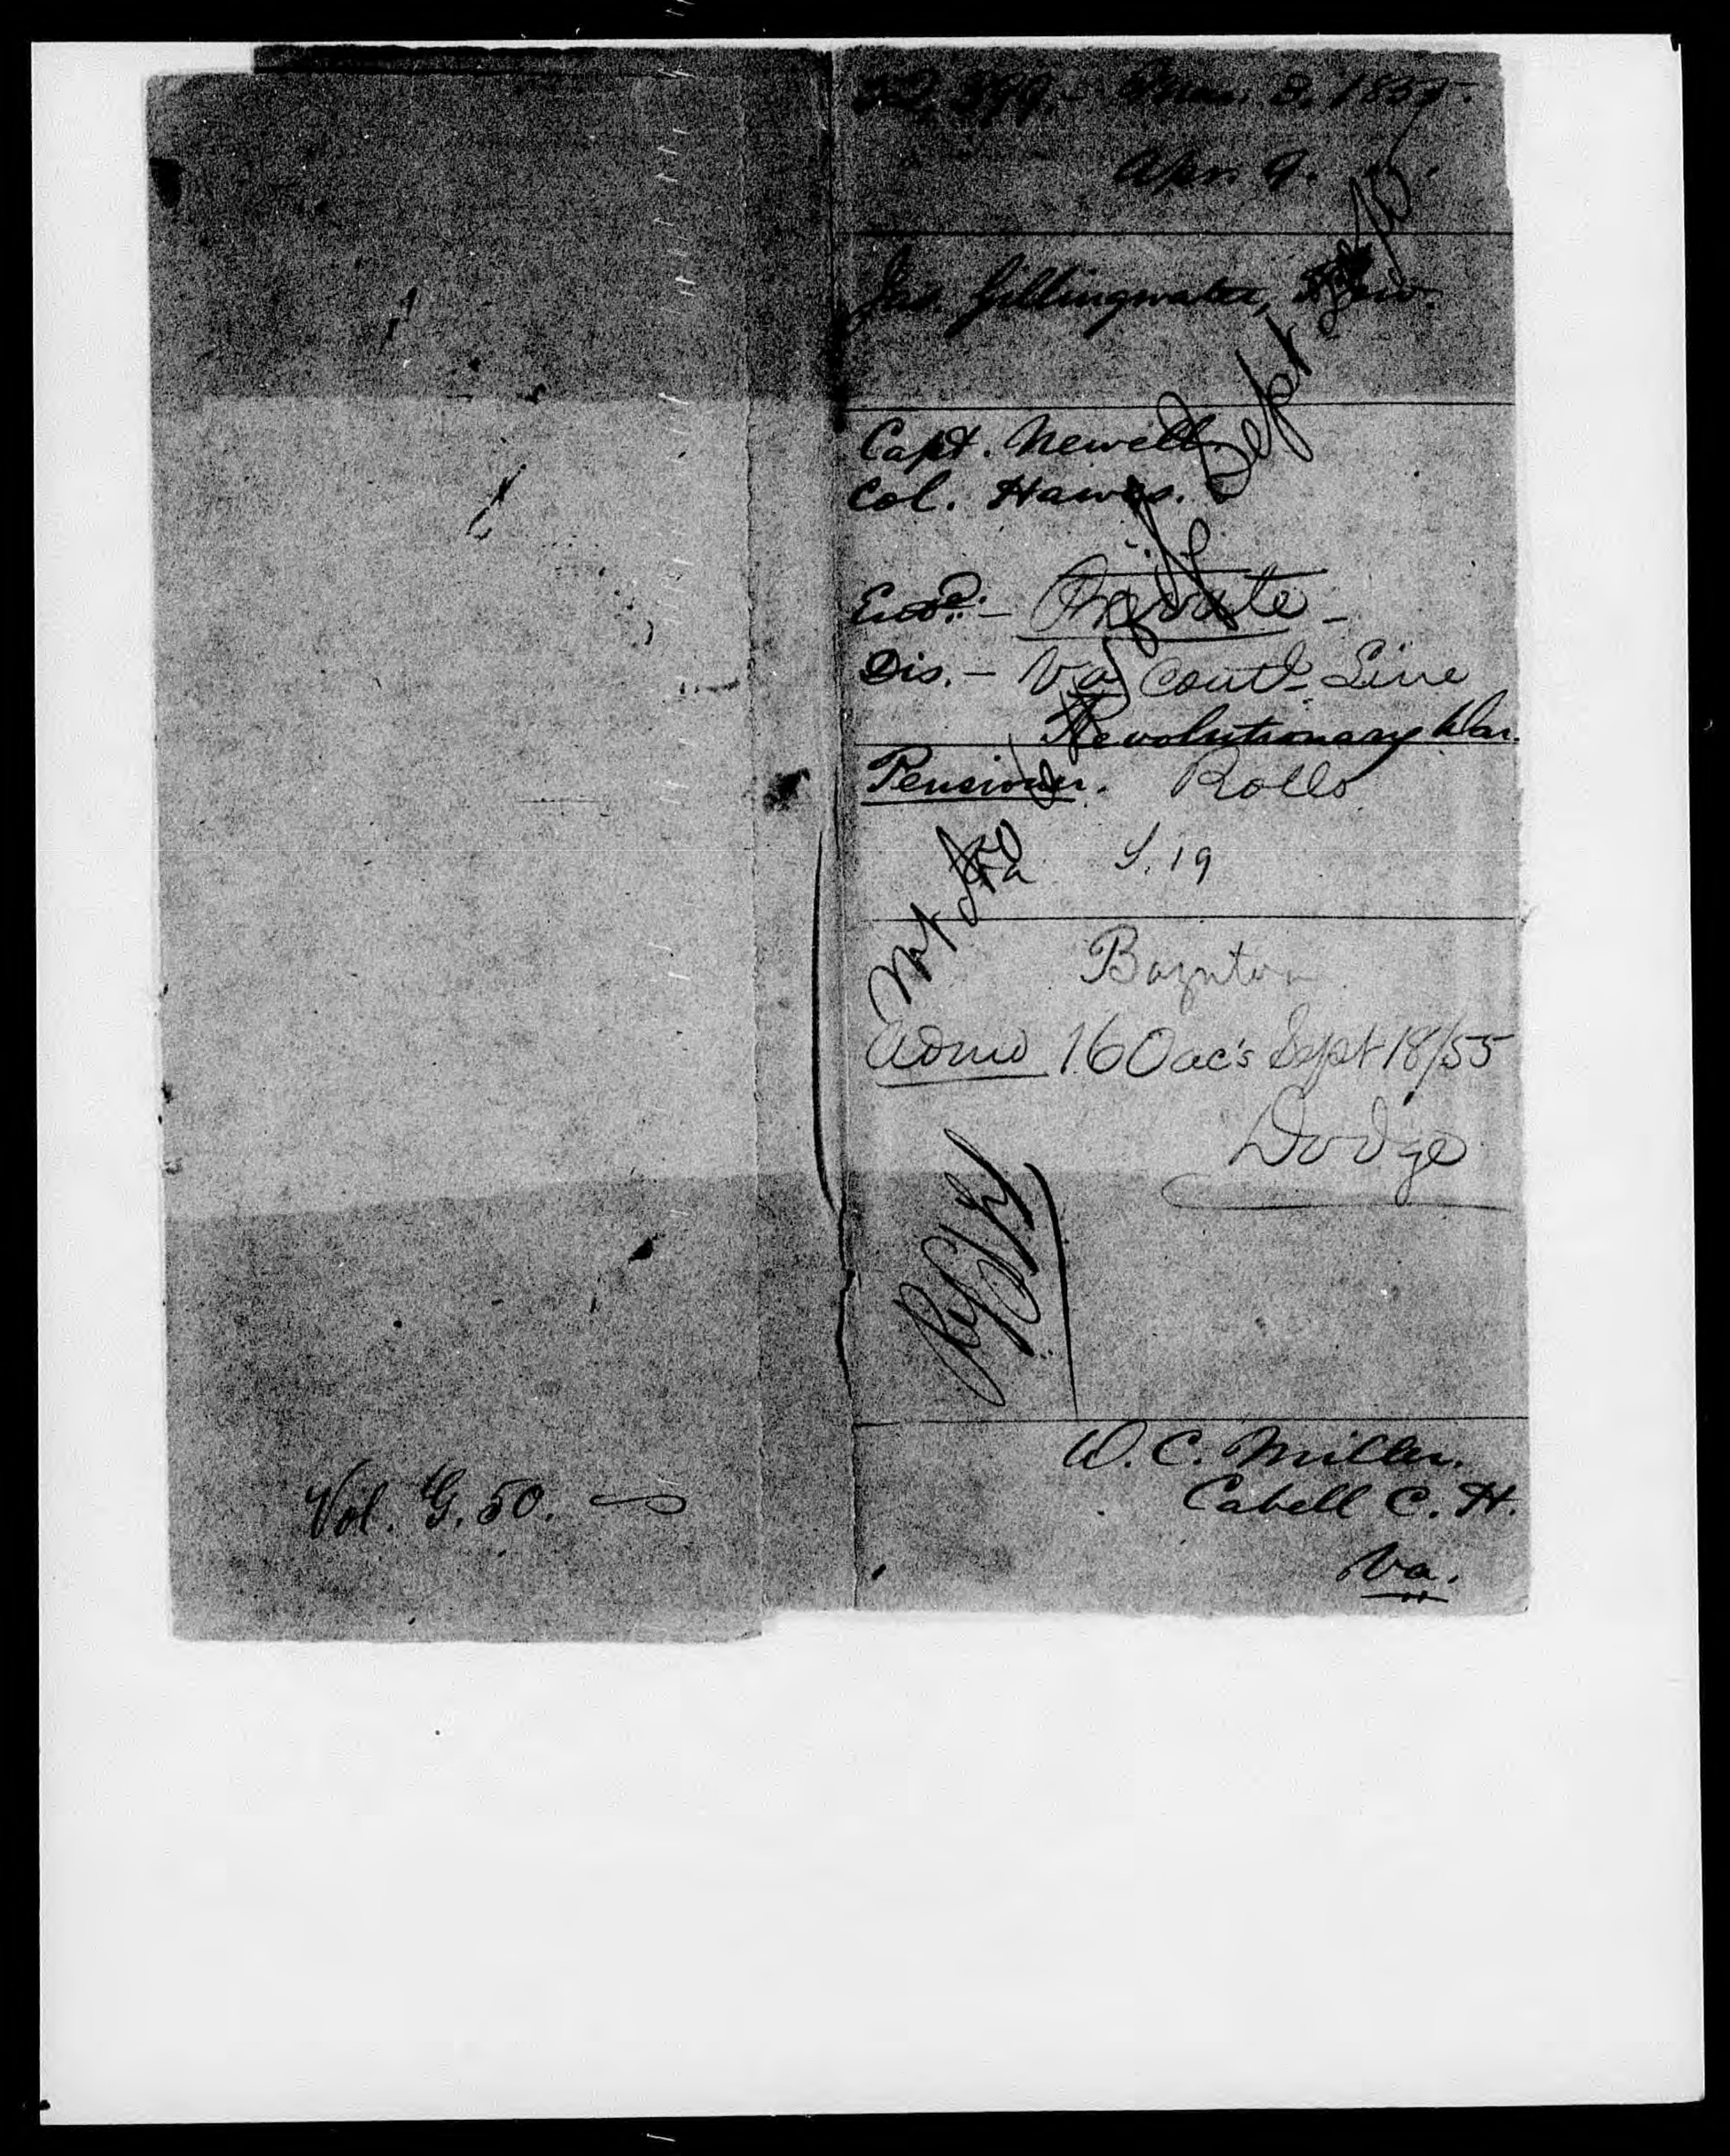[Bottom of the left side]
Vol. Y. 50.

[Right Side]
[Written by hand, diagonally across the whole page. "[illegible] 6# [illegible] Sept 20/55."]

32,399 - [illegible] 3, 1833
[illegible]

Jas Gillingwater [illegible]

Capt. Newell
Col. Hawes

[illegible] - Private [underlined]
Dis. - VA Coute Sine

Revolutionary War.
Pensions Rolls
Va Y19

Baynter

[illegible] [underlined] 160 ac's Sept 18/55
Dodge [underlined]

[Written sideways and underlined. "]

W.C. Miller
Cabell C. H.
Va.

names: W C Miller, Jas Gillingwater, Dodge, Boynton, Newell, Hawes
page: 3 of 36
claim: survivor's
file: S. 39570, James Gillingwater, Va.